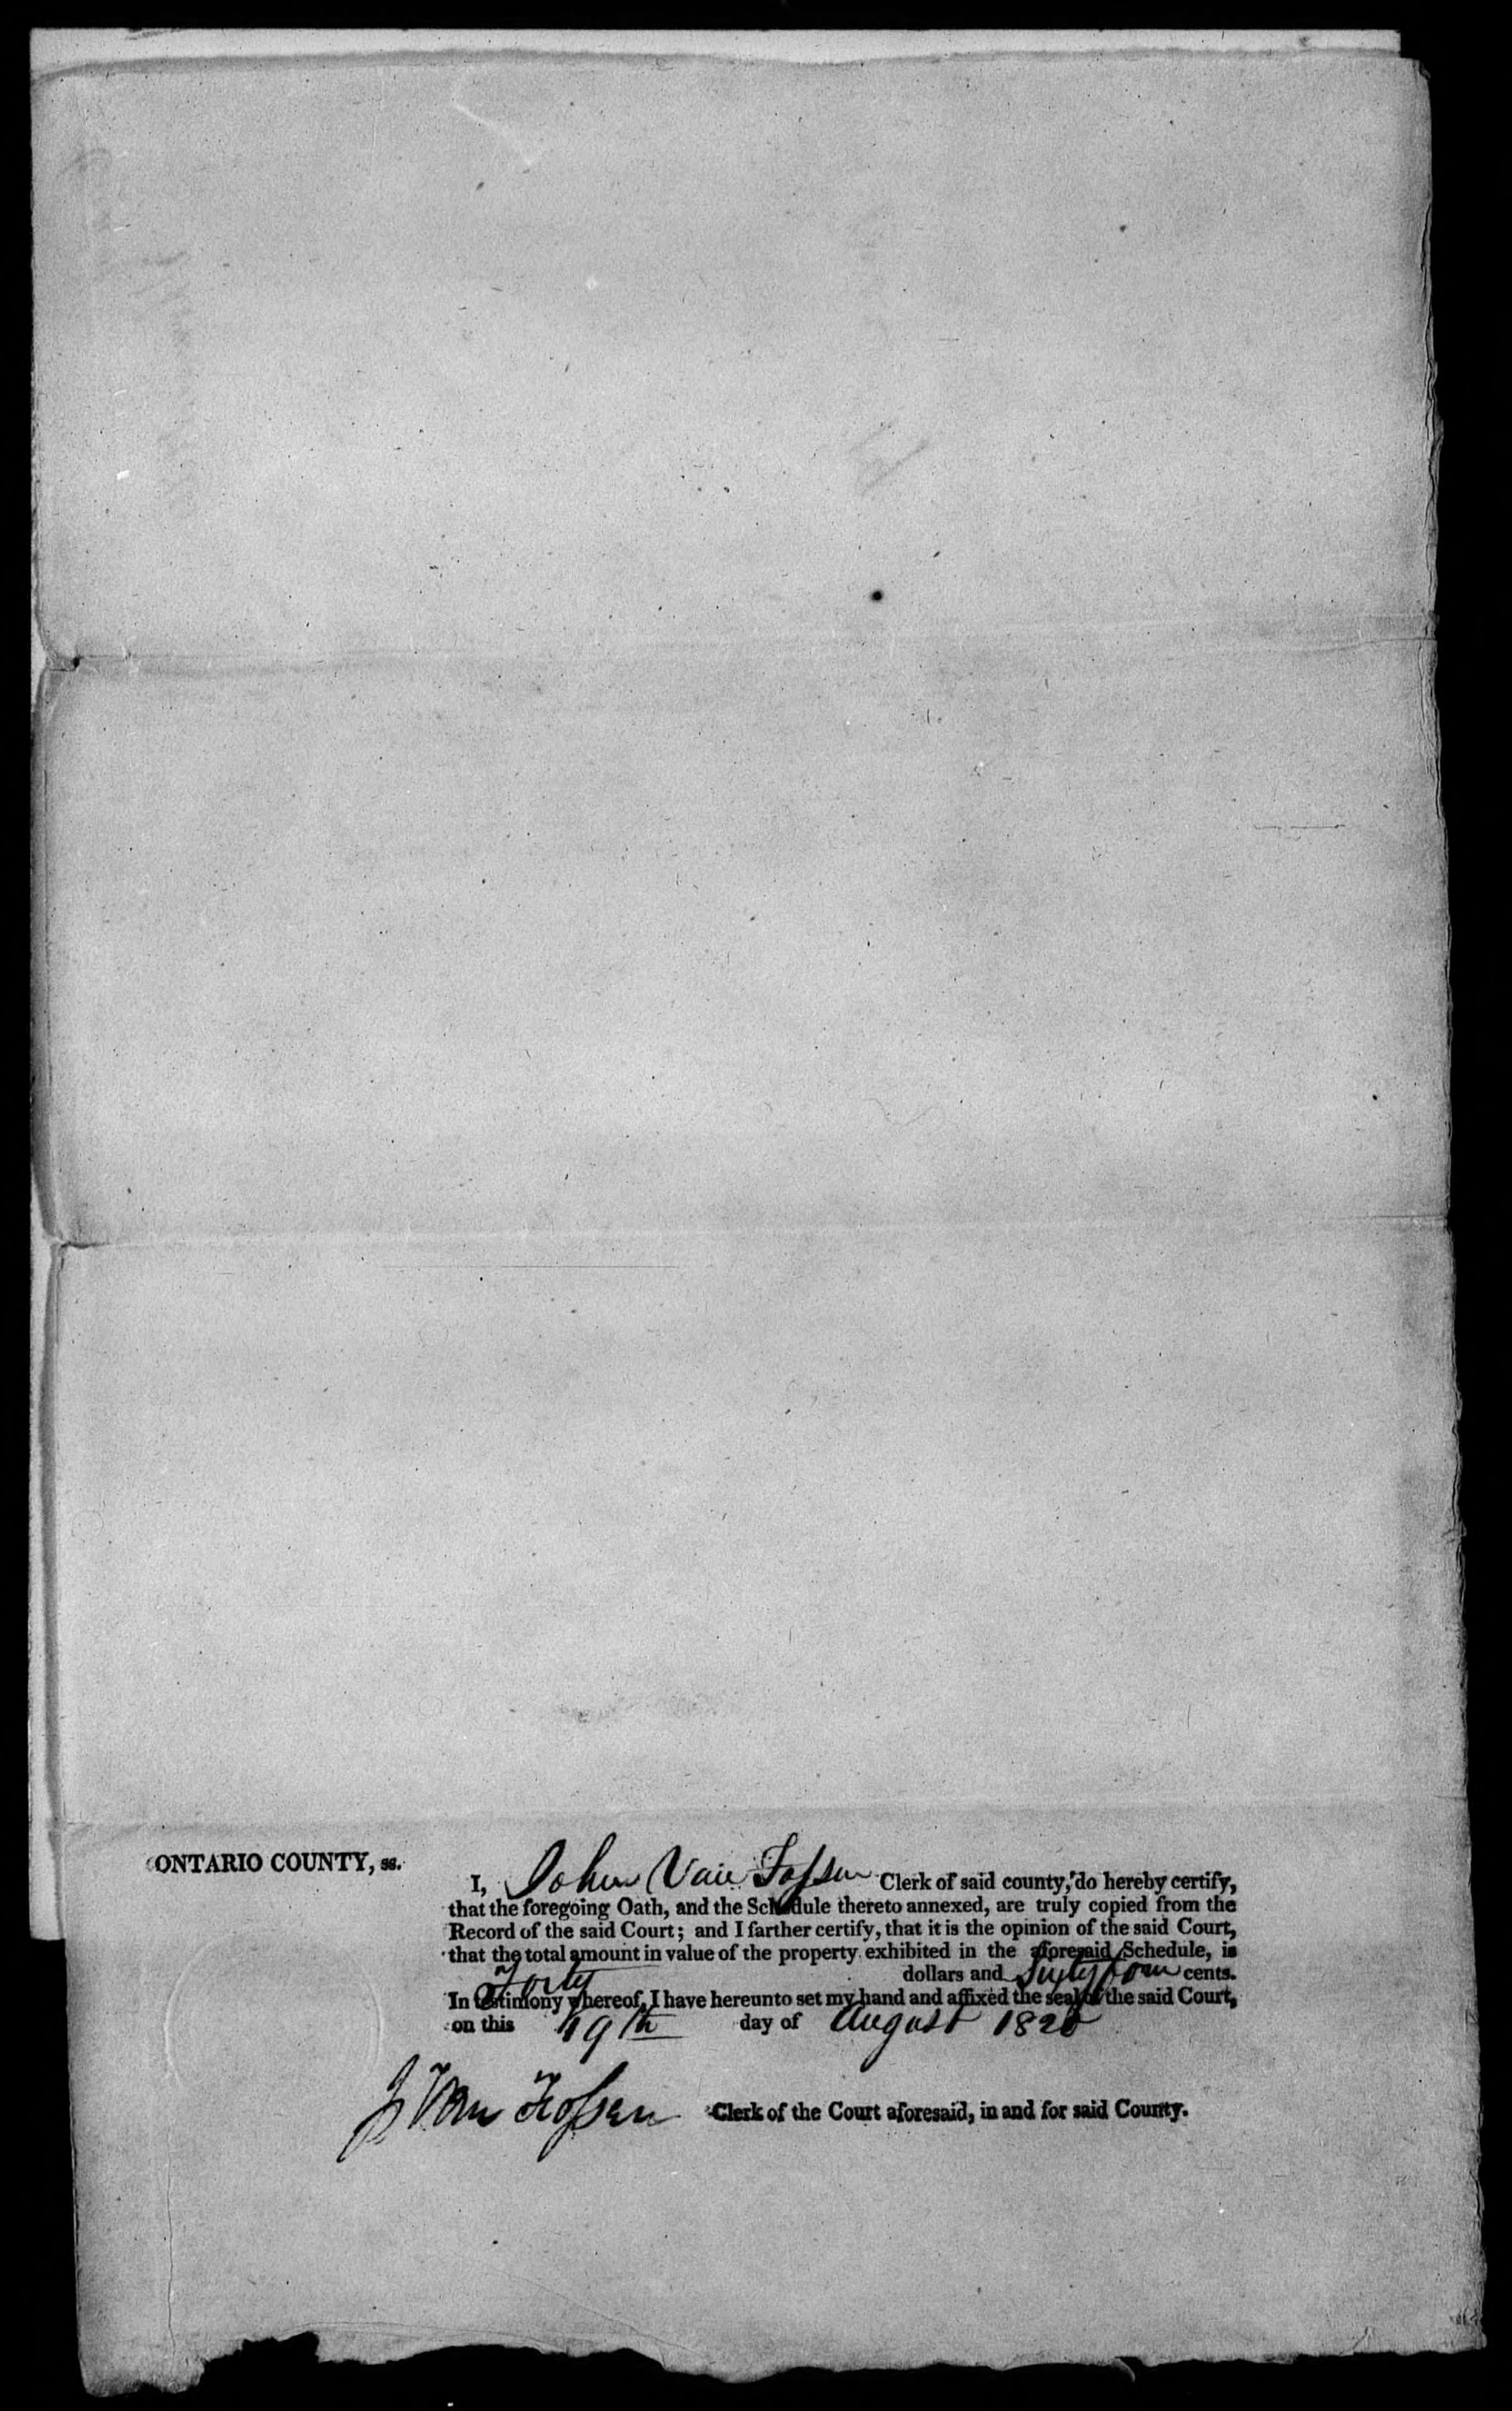ONTARIO COUNTY, ss.

I, John Van Fossen [name handwritten] Clerk of said county, do hereby certify, that the foregoing Oath, and the Schedule thereto annexed, are truly copied from the Record of the said Court; and I farther certify, that it is the opinion of the said Court that the total amount in the property exhibited in the aforesaid Schedule is Forty [handwritten] dollars and Sixty four [number handwritten] cents. In testimony whereof, I have hereunto set my hand and affixed the seal of the said Court, on this 19th [handwritten] day of August 1820 [date handwritten]

J Van Fossen [name handwritten] Clerk of the Court aforesaid, in and for said County.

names: John Van Fossen, J Van Fossen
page: 14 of 31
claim: survivor's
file: S. 43672, Thomas Hill, New York